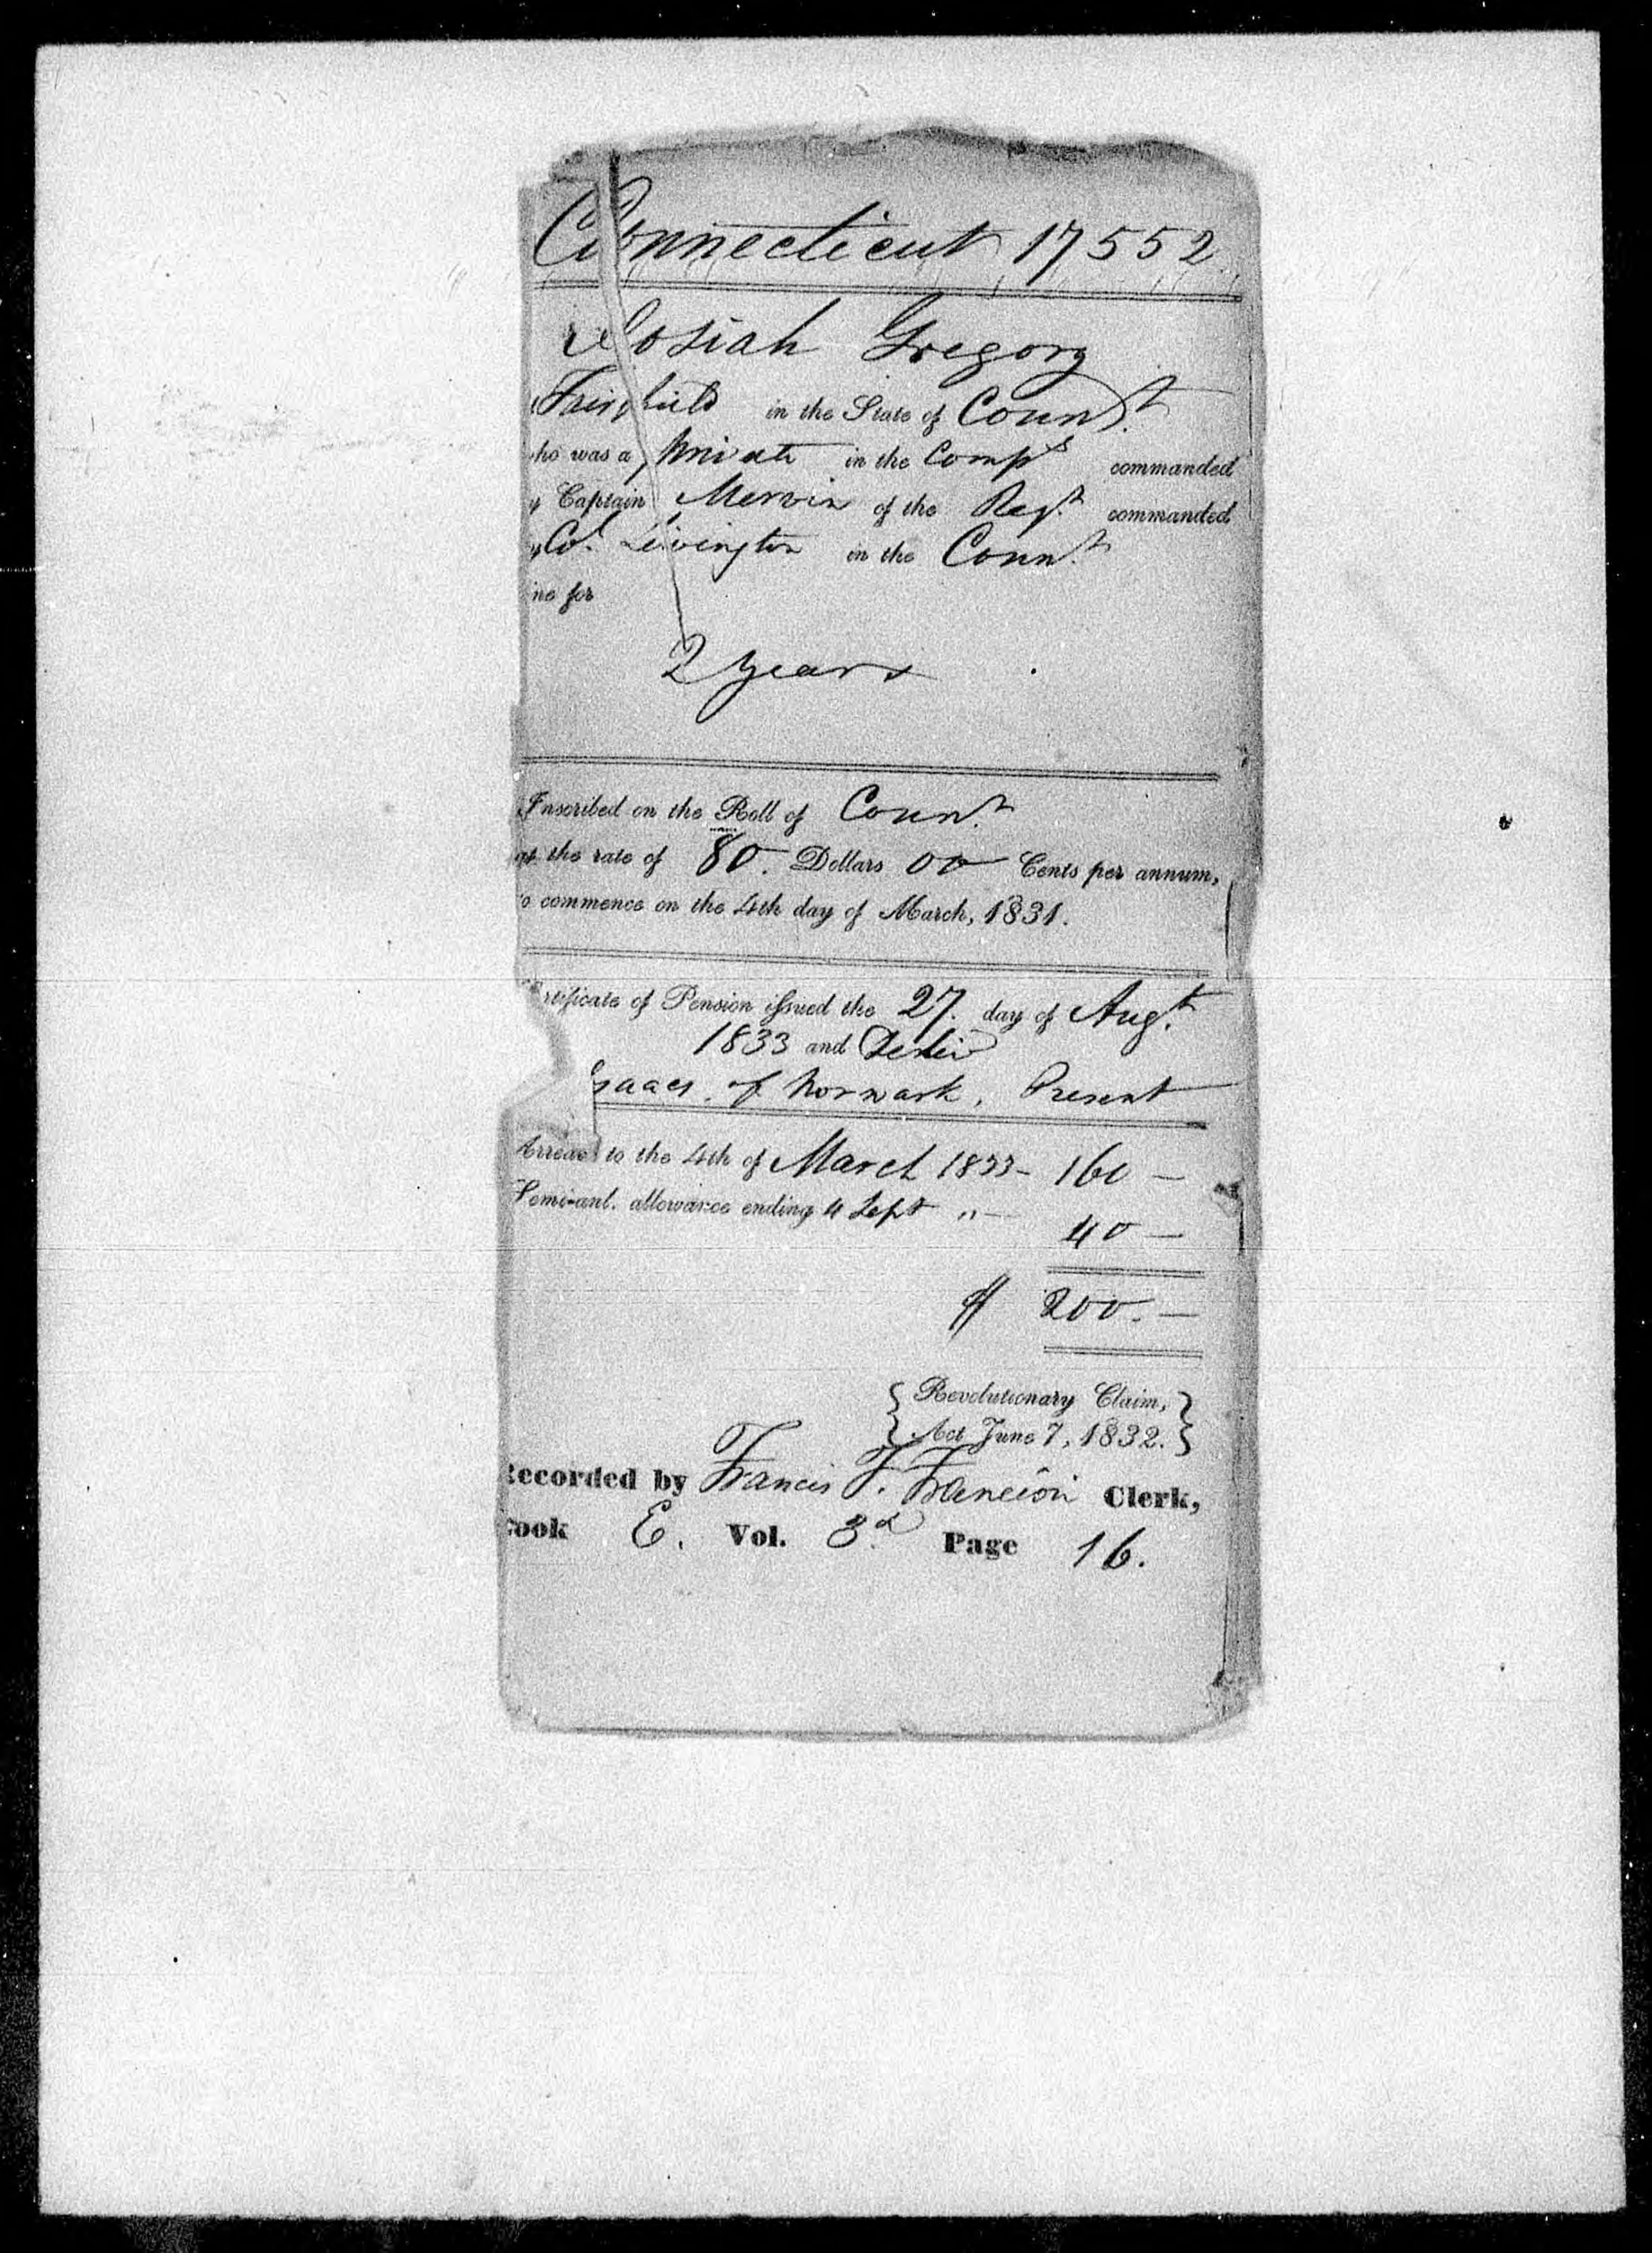Connecticut 17552
Josiah Gregory
Fairfield in the State of Connt.
who was a private in the Comp commanded
by Captain Mervin of the Regt. commanded
by Col. Livingston  in the Conn.
line for
2 years

Inscribed on the Roll of Connt.
at the rate of 80 Dollars 00 Cents per annum,
to commence on the 4th day of March, 1831.

Certificate of Pension issued the 27 day of Aug.
1833 and [illegible]
Isaacs of Norwalk, Present

Arrears  to the 4th of March, 1833-       160-
Semi-anl. allowance ending 4 Sept. "      40-
                                                              ____
                                                             $200-
                                    {Revolutionary Claim,
                                     Act June 7, 1832.}
Recorded by Francis F. Franciosi Clerk,
Book E. Vol. 3d  Page 16.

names: Francis F Franciosi, Mervin, Livington, Josiah Gregory, Isaacs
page: 3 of 49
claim: widow's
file: W 24308, Josiah Gregory, Conn.